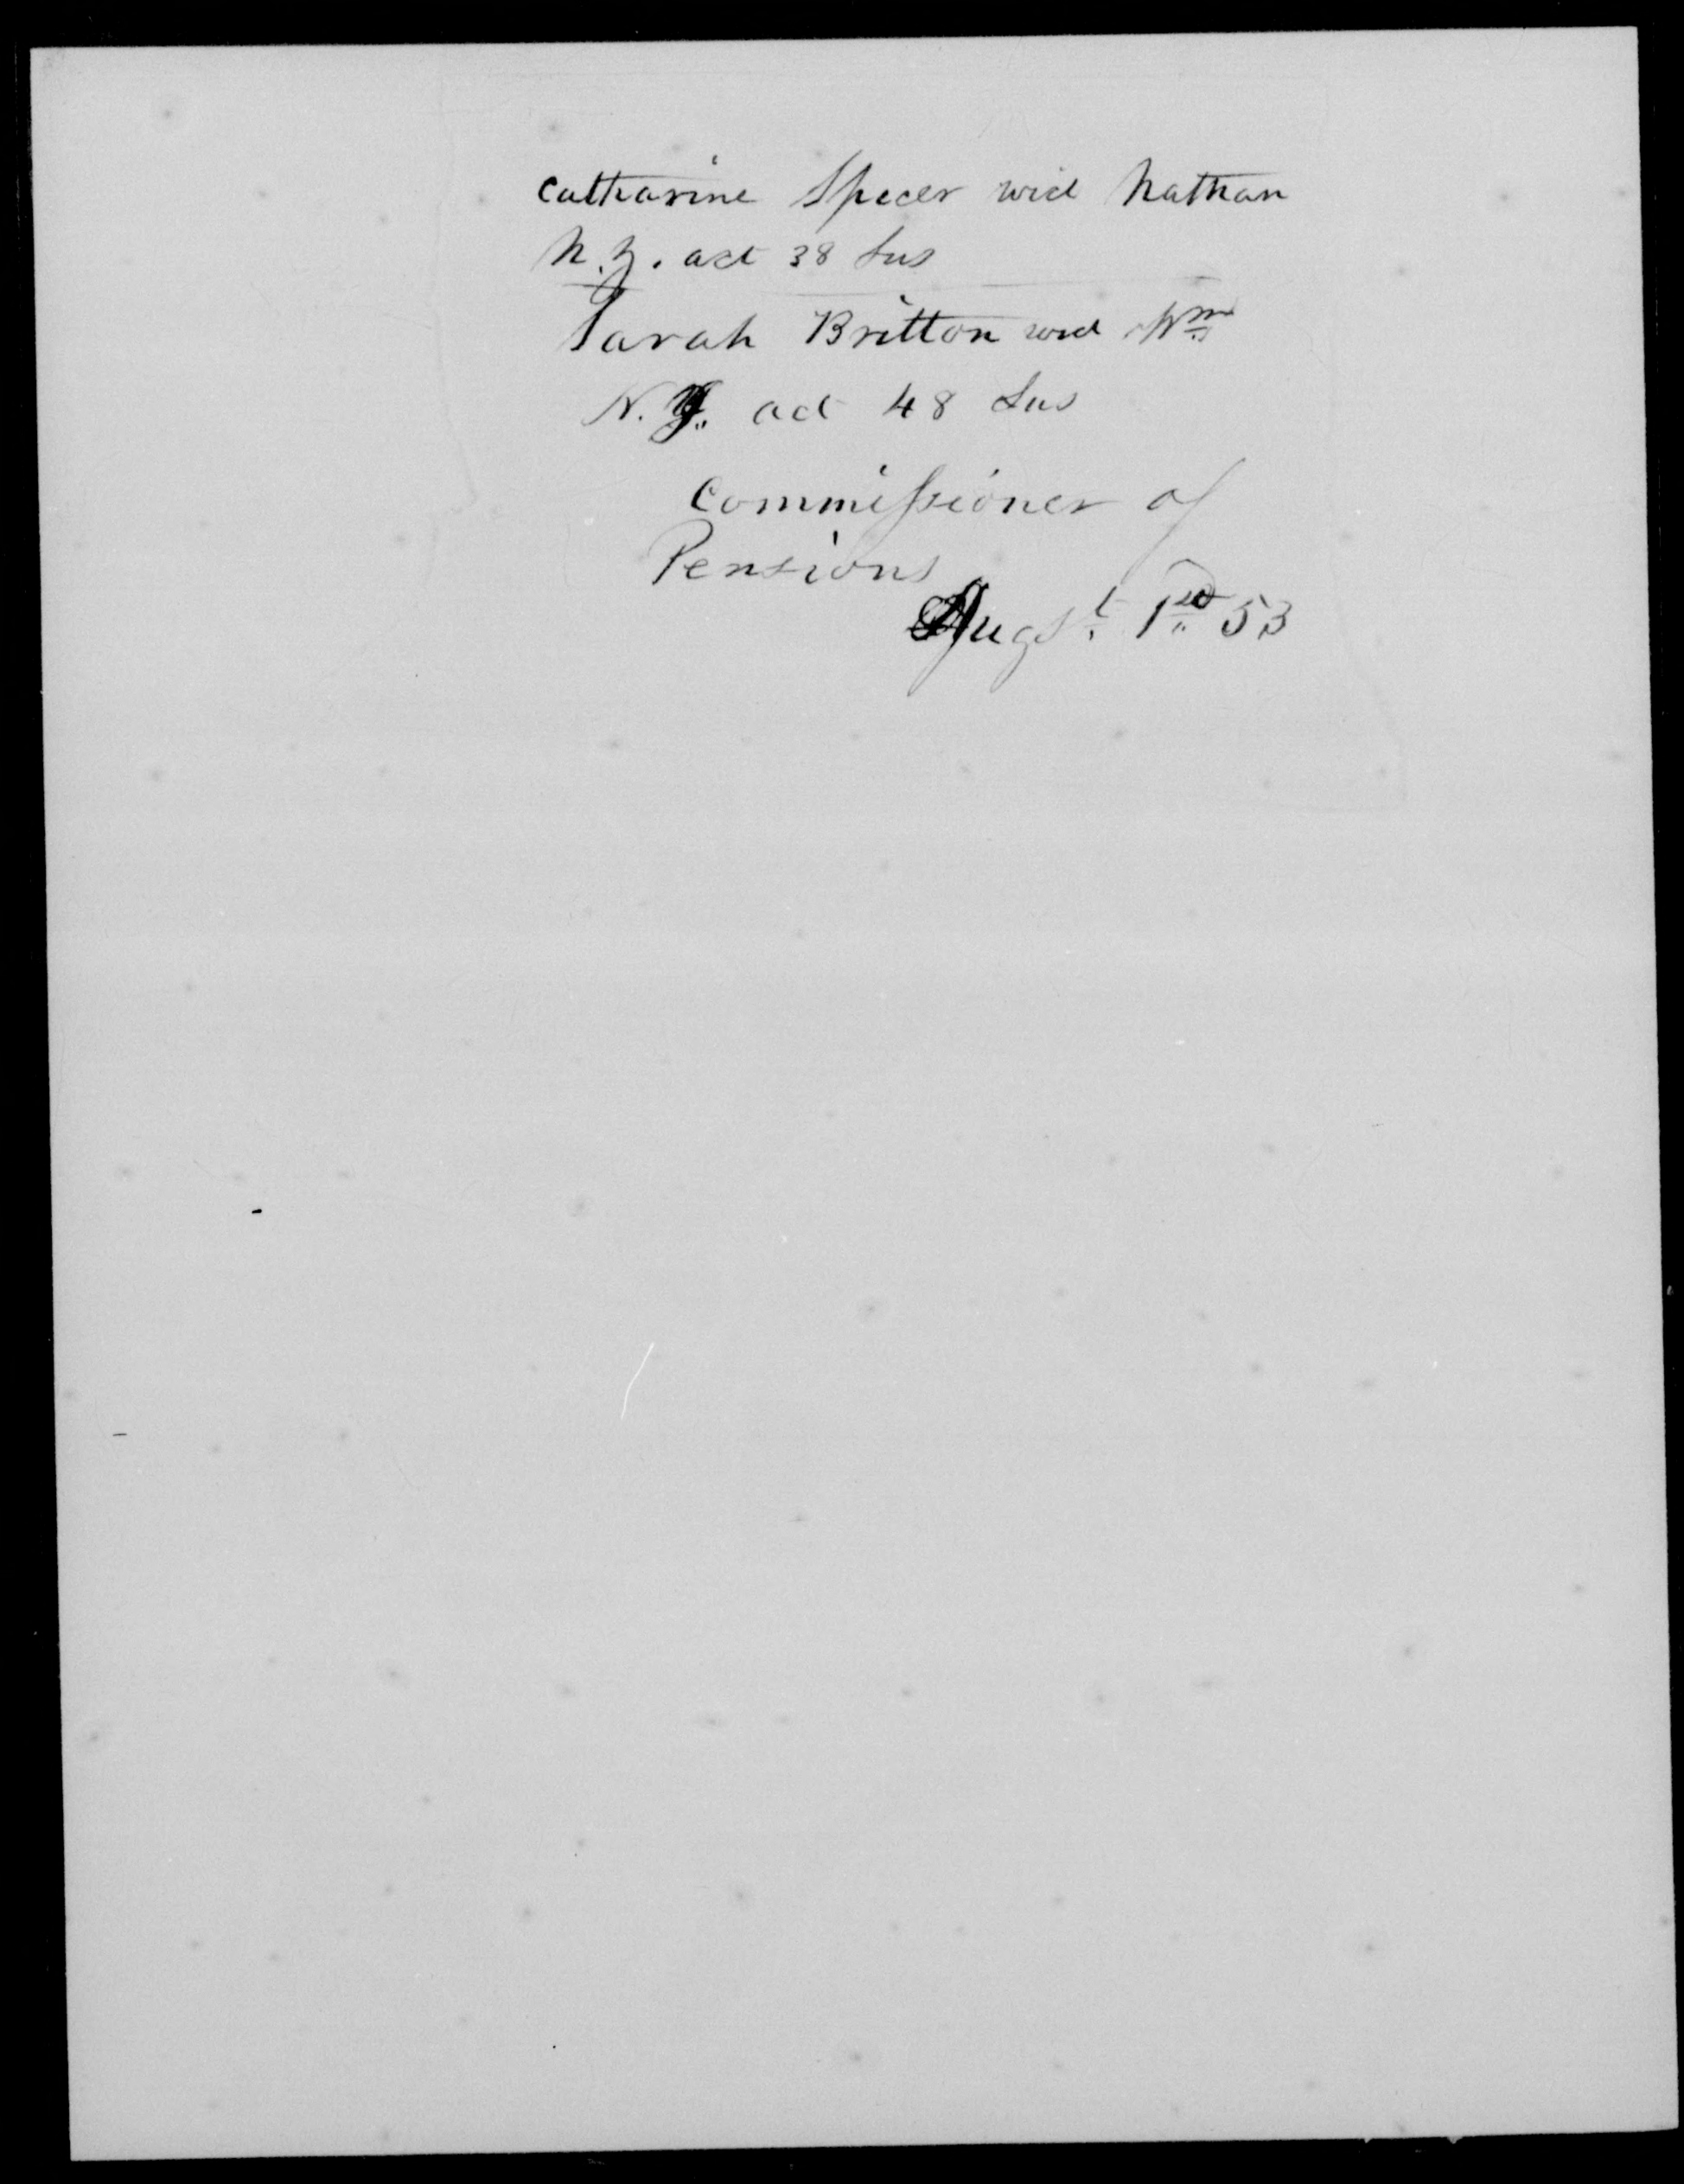Catharine Spicer wid Nathan 
N.Y. Act 38 Sus
Sarah Britton wid Wm
N.Y. act 48 Sus
Commissioner of Pensions
August 1st 53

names: Wm Britton; Catharine Spicer; Sarah Britton; Nathan Spicer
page: 7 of 33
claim: rejected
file: R. 5603, for Nathan Spicer, New York